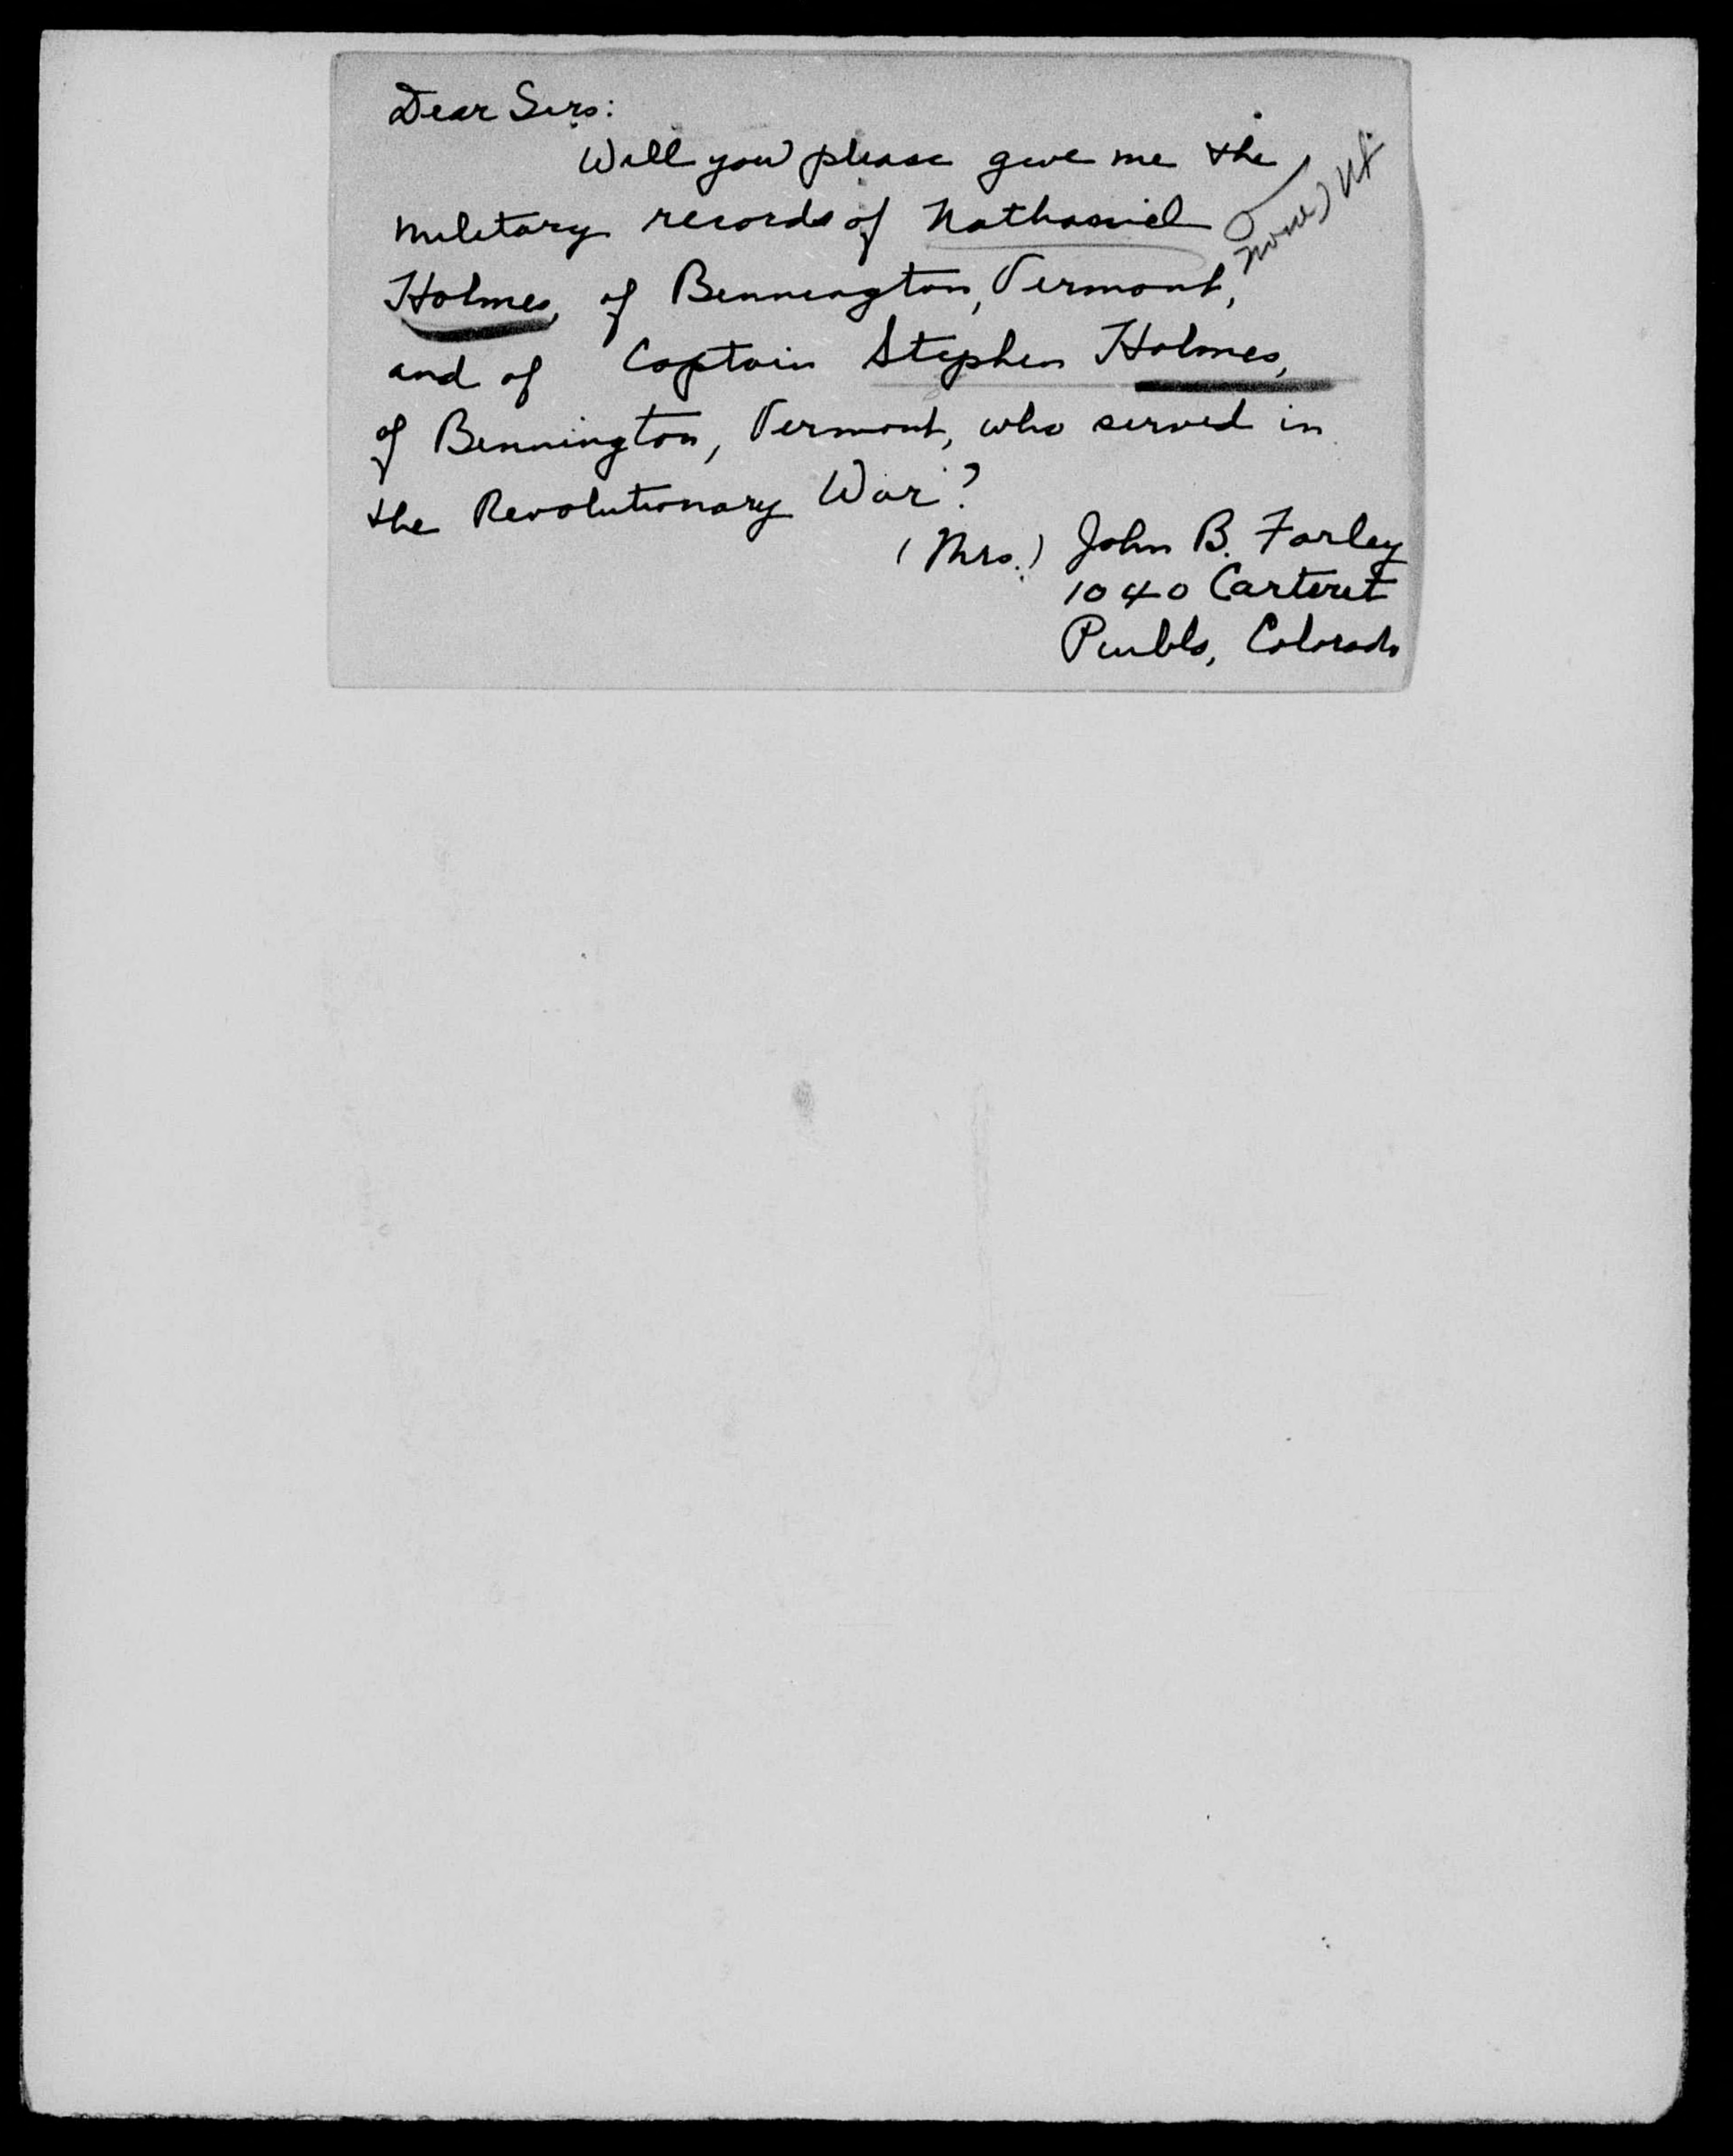Dear Sirs:

Will you please give me the military records of Nathanial Holmes, of Bennington, Vermont and of Captain Stephen Holmes of Bennington, Vermont, ^[illegible] Vt who served in the Revolutionary War?

(Mrs.) John B. Farley
1040 Carteret
Pueblo, Colorado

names: John B Farley, Nathaniel Holmes, Stephen Holmes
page: 58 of 72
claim: widow's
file: W. 7771, Stephen Holmes, Vt.